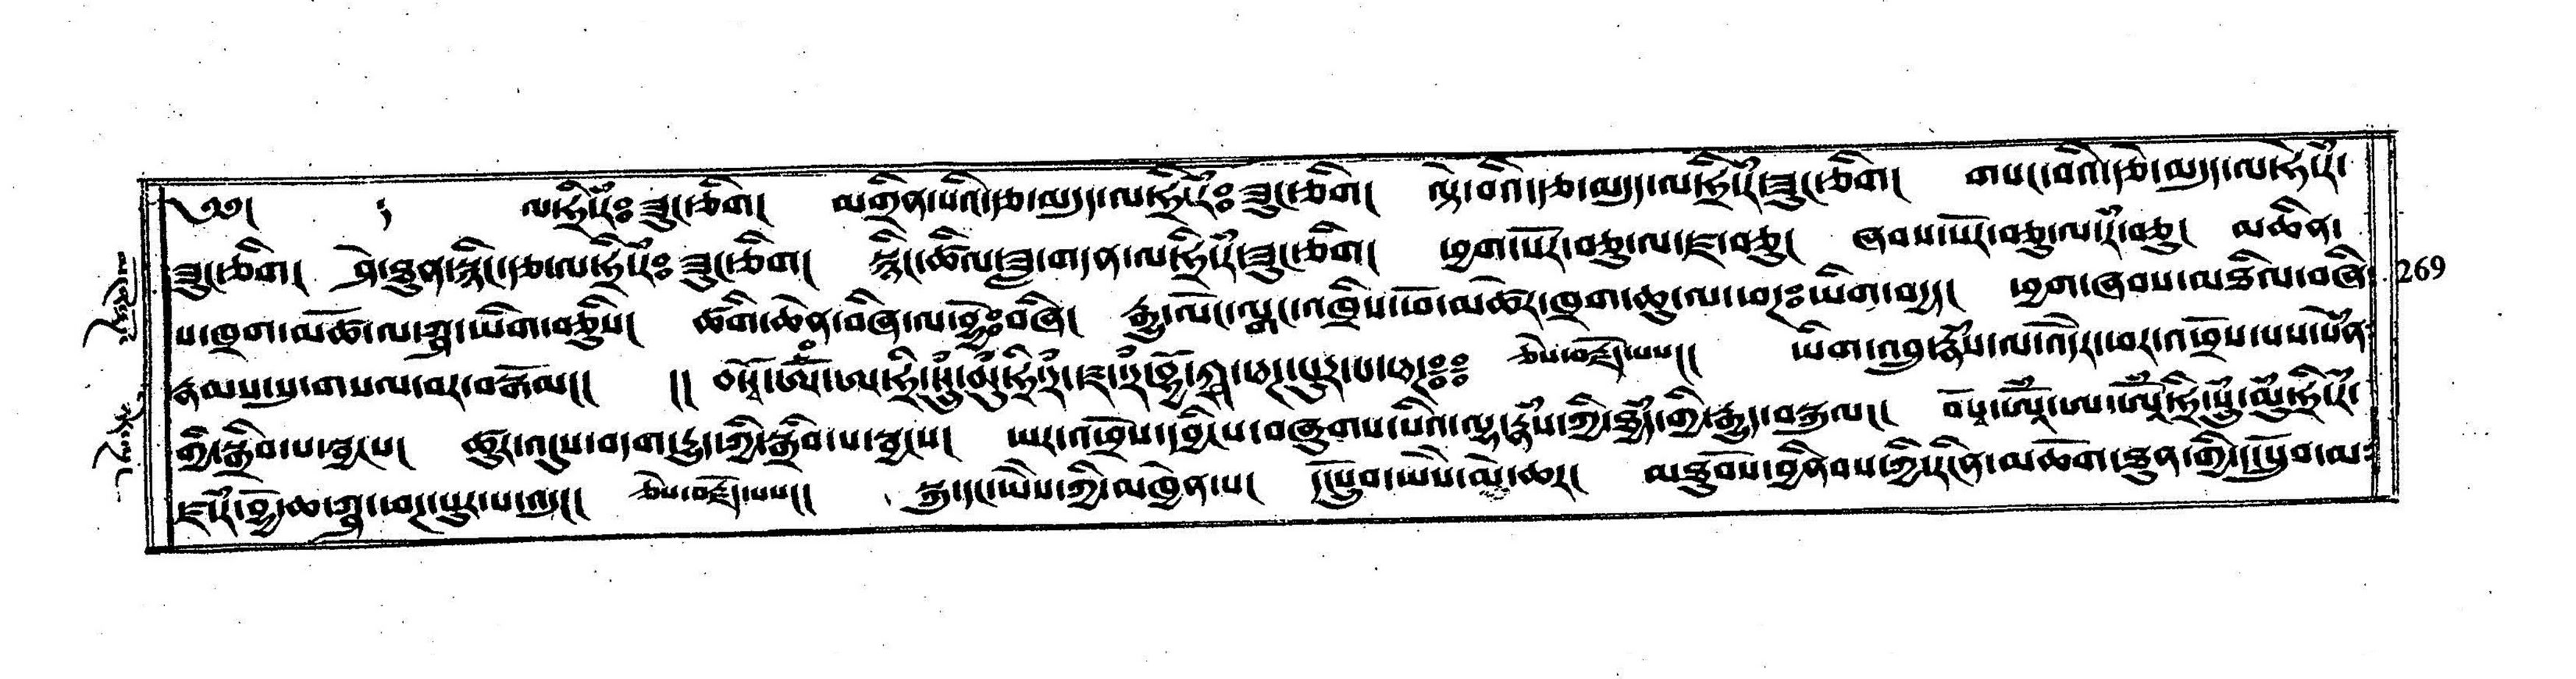ལ་ཧྲི་རཾཿཟུང་ཅིག མགྲིན་པའི་རྩ་མདུད་ལ་ཧྲི་རཾཿཟུང་ཅིག ལྟེ་བའི་རྩ་མདུད་ལ་ཧྲི་རཾ་ཟུང་ཅིག གསང་བའི་རྩ་མདུད་ལ་ཧེ་རཾ་ཟུང་ཅིག ཤེ་ཐུན་སྙིང་རྩ་ལ་ཧྲི་རཾཿ
ཟུང་ཅིག སྙིང་ཚིལ་ཟླ་གདན་ལ་ཧྲི་རཾ་རཾ་ཟུང་ཅིག ཕྱག་སོར་བཅུ་ལ་ཛ་བཅུ། ཞབས་སོར་བཅུ་ལ་རཾ་བཅུ། མཆིན་
པ་ཁྲག་མཚོ་ལ་ཀྴ་ཡིག་བཅུ་གཉིས། ཚིག་ཆེན་བཞི་ལ་བྷྱོཿབཞི། རྒྱུ་ལོང་ལྒང་འཁྲིས་ཕོ་མཚེར་ཁྲག་ཆུ་ལ་ཕཊཿཡིག་བརྒྱད། ཕྱག་ཞབས་མཐིལ་བཞི་
རྣམས་སུ་གསལ་བར་བསྒོམ།། །།བསྭོ་ཨོཾ་ཨ་ཧྲི་སྲུཾ་མུཾ་ཧྲི་རཾ་ཛ་རཾ་བྷྱོ་ཀྴ་ཕཊ་པུར་པ་ཕཊ༔༔ ཅེས་བརྗོད་པས།། ཡིག་འབྲུ་རྣམས་ལ་འོད་ཟེར་ཕར་འཕྲོས་པས་སེམས་ཅན་
གྱི་སྒྲིབ་པ་སྦྱངས། ཚུར་འདུས་བདག་རྒྱུད་ཀྱི་སྒྲིབ་པ་སྦྱངས། ཡར་འཕྲོས་དབྱིངས་ན་བཞུགས་པའི་ལྷ་རྣམས་ཀྱི་ཐུགས་དམ་གྱི་རྒྱུད་བསྐུལ།། བསྭོ་ཨཱོཾ་ཨ་ཨཱོཾ་ཧྲི་སྲུཾ་མུཾ་ཧྲི་རཾ་
ཛ་རཾ་བྷྱོ་ཆ་ཀྴ་ཕཊ་པུར་པ་འདུ།། ཅེས་བརྗོད་པས།། སྐུ་དང་ཡེ་ཤེས་ཀྱི་མཁྱེན་པ། དངོས་གྲུབ་ཡེ་ཤེས་མེ་ཆར། མཐུ་སྟོབས་བྱིན་རླབས་ཀྱི་རང་བཞིན་མཆོག་ཐུན་གྱི་དངོས་གྲུབ་མ་